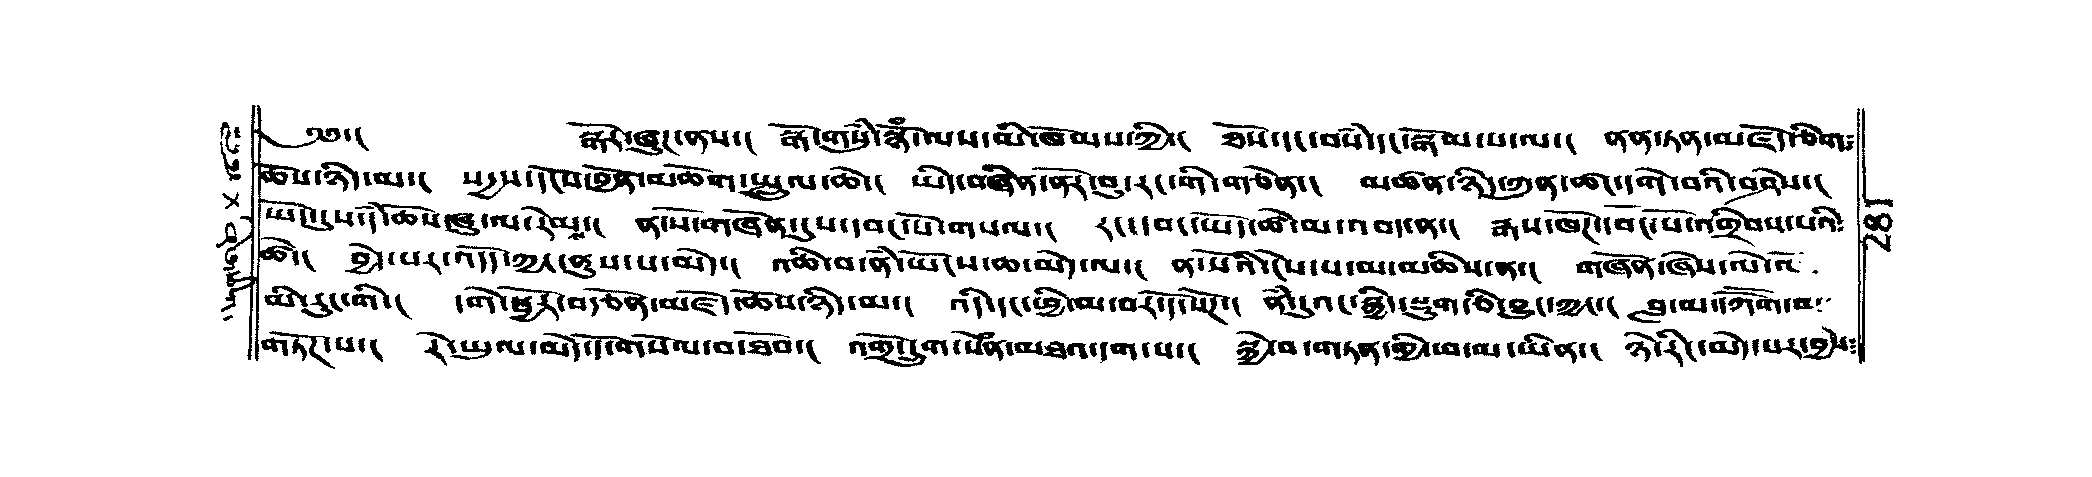སྒོར་ཞུགས་ནས། །སྒོ་གསུམ་སྙོམ་ལས་མི་ཁོམས་ཀྱི། །ཐོས་དང་བསམ་དང་སྒོམ་པ་ལ། །ནན་ཏན་མཛོད་ཅིག་
ཆོས་ཉིད་མ། །སངས་རྒྱས་དངོས་བྱོན་མཆོག་སྤྲུལ་ཆེ། །ཡིད་བཞིན་ནོར་བུ་རང་གི་གཅེན། །མཚན་ཉིད་ཀུན་ཚང་དགེ་བའི་བཤེས། །
ཡོད་དུས་དམ་ཆོས་ཞུ་ལ་རེམས། །ན་སོ་གཞོན་དུས་དབང་པོ་གསལ། །རང་དབང་ཡོད་ཚེ་མ་འབད་ན། །རྒས་ཁོགས་དབང་པོ་འགྲིབས་པའི་
ཚེ། །བྱེད་པར་འདོད་ཀྱང་ནུས་པ་མེད། །འཆི་བ་ནམ་ཡོང་ཆ་མེད་ལ། །ན་སོའི་ངེས་པ་མ་མཆིས་ན། །གཞོན་ཞེས་ལེ་ལོ་
མི་རུང་གི །དགེ་སྦྱོར་བརྩོན་མཛོད་ཆོས་ཉིད་མ། །འདི་དང་ཕྱི་མ་བར་དོ་སོགས། །ནམ་དུའང་སྐྱིད་སྡུག་ཅི་བྱུང་ཀྱང། །བླ་མ་དཀོན་མཆོག་མ་
གཏོགས་པ། །རེ་ཡུལ་མེད་དོ་གསོལ་བ་ཐོབ། །འགྲོ་དྲུག་སེམས་ཅན་མཐའ་དག་པ། །སྐྱེ་བ་གཏན་གྱི་ཕ་མ་ཡིན། །ཉེ་རིང་མེད་པར་བྱམས་